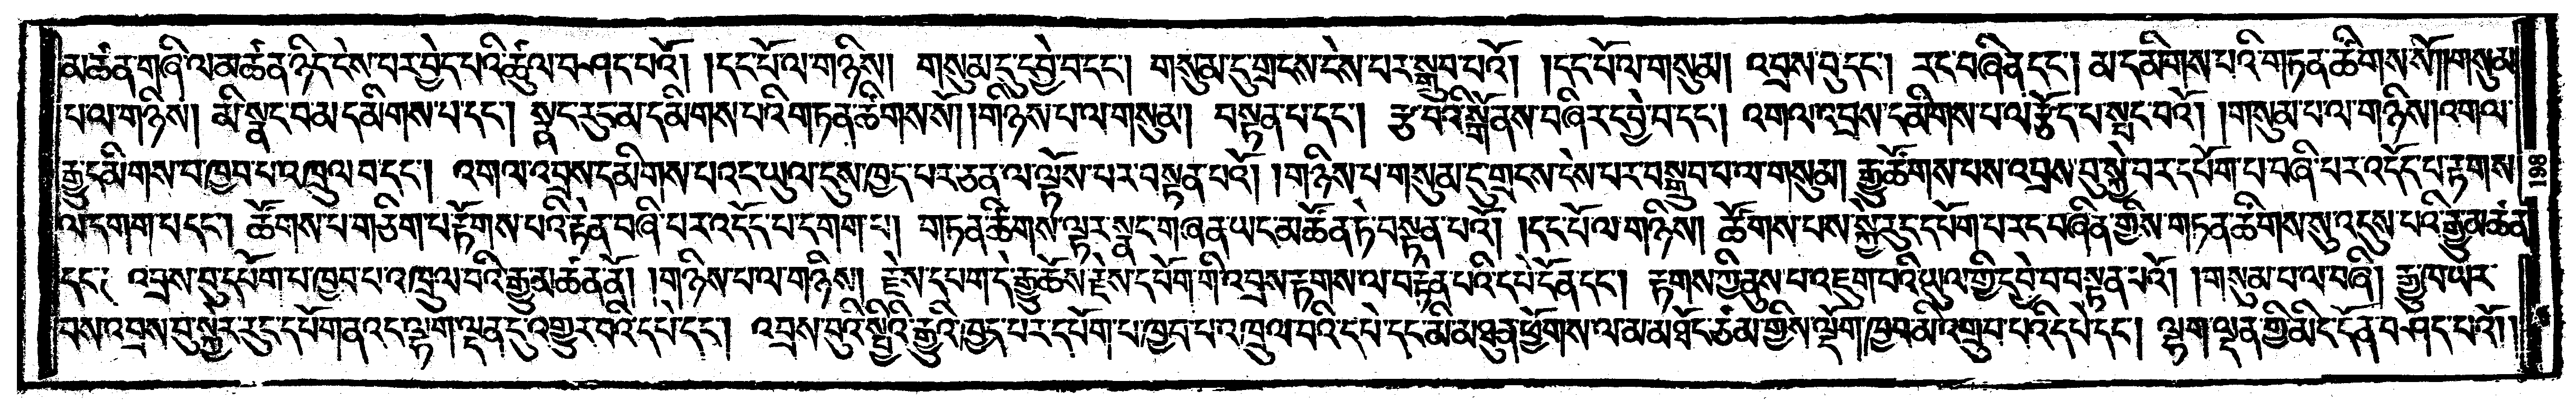མཚན་གཞི་ལ་མཚན་ཉིད་ངེས་པར་བྱེད་པའི་ཚུལ་བཤད་པའོ། །དང་པོ་ལ་གཉིས། གསུམ་དུ་དབྱེ་བ་དང་། གསུམ་དུ་གྲངས་ངེས་པར་སྒྲུབ་པའོ། །དང་པོ་ལ་གསུམ། འབྲས་བུ་དང་། རང་བཞིན་དང་། མ་དམིགས་པའི་གཏན་ཚིགས་སོ། །གསུམ་
པ་ལ་གཉིས། མི་སྣང་བ་མ་དམིགས་པ་དང་། སྣང་རུང་མ་དམིགས་པའི་གཏན་ཚིགས་སོ། །གཉིས་པ་ལ་གསུམ། བསྟན་པ་དང་། རྩ་བའི་སྒོ་ནས་བཞིར་དབྱེ་བ་དང་། འགལ་འབྲས་དམིགས་པ་ལ་རྩོད་པ་སྤང་བའོ། །གསུམ་པ་ལ་གཉིས། འགལ་
རྒྱུ་དམིགས་པ་ཁྱབ་པ་འཁྲུལ་བ་དང་། འགལ་འབྲས་དམིགས་པའང་ཡུལ་དུས་ཁྱད་པར་ཅན་ལ་ལྟོས་པར་བསྟན་པའོ། །གཉིས་པ་གསུམ་དུ་གྲངས་ངེས་པར་བསྒྲུབ་པ་ལ་གསུམ། རྒྱུ་ཚོགས་པས་འབྲས་བུ་སྐྱེ་བར་དཔོག་པ་བཞི་པར་འདོད་པ་རྟགས་
ལ་དགག་པ་དང་། ཚོགས་པ་གཅིག་པ་རྟོགས་པའི་རྟེན་བཞི་པར་འདོད་པ་དགག་པ། གཏན་ཚིགས་ལྟར་སྣང་གཞན་ཡང་མཚོན་ཏེ་བསྟན་པའོ། །དང་པོ་ལ་གཉིས། ཚོགས་པས་སྐྱེ་རུང་དཔོག་པ་རང་བཞིན་གྱིས་གཏན་ཚིགས་སུ་འདུས་པའི་རྒྱུ་མཚན་
དང་། འབྲས་བུ་དཔོག་པ་ཁྱབ་པ་འཁྲུལ་བའི་རྒྱུ་མཚན་ནོ། །གཉིས་པ་ལ་གཉིས། རྗེས་དཔག་དེ་རྒྱུ་ཆོས་རྗེས་དཔོག་གི་འབྲས་རྟགས་ལ་བརྟེན་པའི་དཔེ་དོན་དང་། རྟགས་ཀྱི་ནུས་པ་འཇུག་པའི་ཡུལ་གྱི་དབྱེ་བ་བསྟན་པའོ། །གསུམ་པ་ལ་བཞི། རྒྱུ་ཁ་ཡར་
བས་འབྲས་བུ་སྐྱེར་རུང་དཔོག་ནའང་ལྷག་ལྡན་དུ་འགྱུར་བའི་དཔེ་དང་། འབྲས་བུའི་སྤྱིའི་རྒྱུའི་ཁྱད་པར་དཔོག་པ་ཁྱབ་པ་འཁྲུལ་བའི་དཔེ་དང་མི་མཐུན་ཕྱོགས་ལ་མ་མཐོང་ཙམ་གྱིས་ལྡོག་ཁྱབ་མི་འགྲུབ་པའི་དཔེ་དང་། ལྷག་ལྡན་གྱི་མིང་དོན་བཤད་པའོ།།